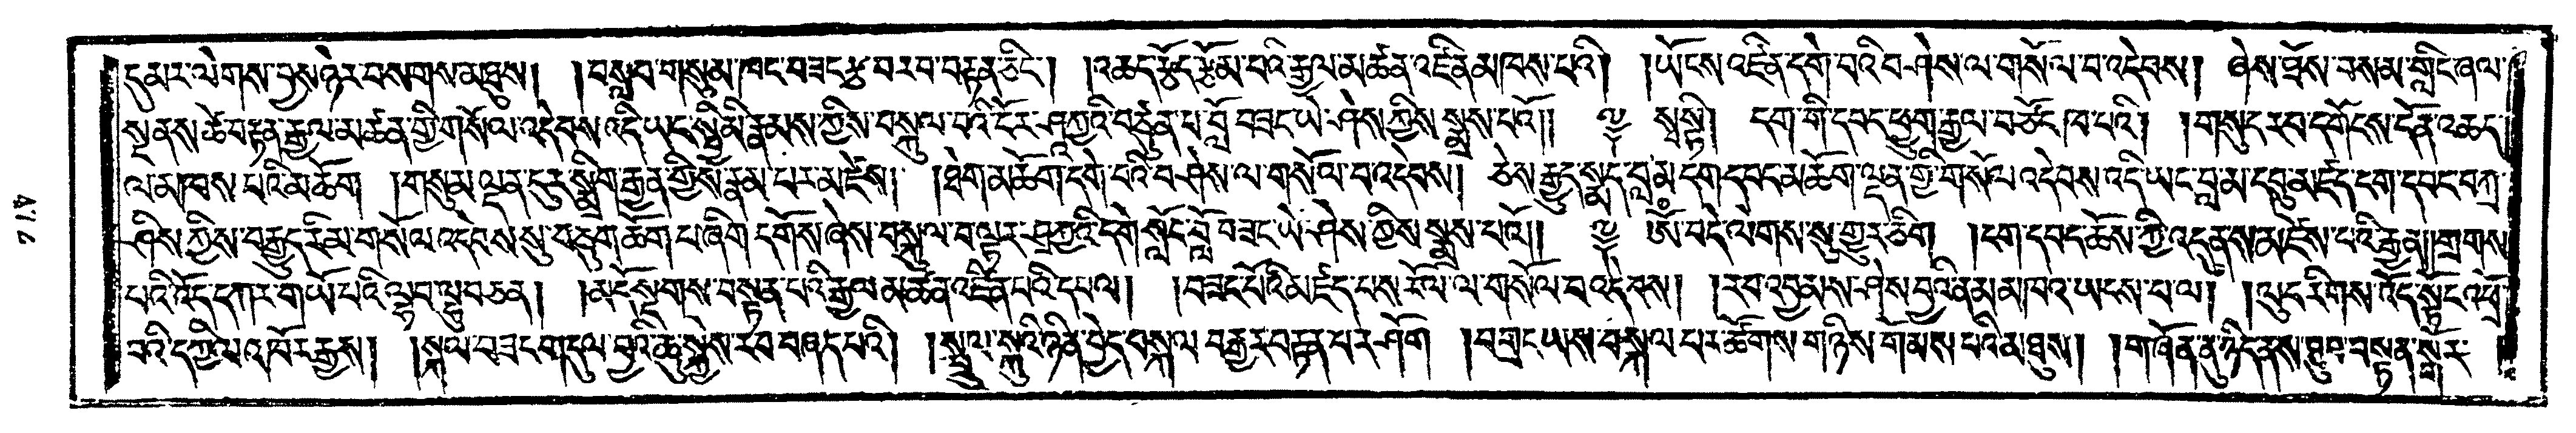དུ་མར་ལེགས་བྱས་ཉེར་བསགས་མཐུས། །བསླབ་གསུམ་ཁང་བཟང་རྩ་བ་རབ་བརྟན་ཅིང་། །འཆད་རྩོད་རྩོམ་བའི་རྒྱལ་མཚན་འཛིན་མཁས་པའི། །ཡོངས་འཛིན་དགེ་བའི་བཤེས་ལ་གསོལ་བ་འདེབས། ཞེས་ཐོས་བསམ་གླིང་ཞལ་
སྔ་ནས་ཚེ་བརྟན་རྒྱལ་མཚན་གྱི་གསོལ་འདེབས་འདི་ཡང་སྤྱི་མི་རྣམས་ཀྱིས་བསྐུལ་བའི་ངོར་ཤའྐྱའི་བཙུན་པ་བློ་བཟང་ཡེ་ཤེས་ཀྱིས་སྨྲས་པའོ།། ༈ སྭྶྟི། དག་གི་དབང་ཕྱུག་རྒྱལ་བཙོང་ཁ་པའི། །གསུང་རབ་དགོངས་དོན་འཆད་
ལ་མཁས་པའི་མཆོག །གསུམ་ལྡན་ངུར་སྨྲིག་རྒྱན་གྱིས་རྣམ་པར་མཛེས། །ཐེག་མཆོག་དགེ་བའི་བཤེས་ལ་གསོལ་བ་འདེབས། ཅེས་རྒྱུད་སྨད་བླ་མ་དག་དབང་མཆོག་ལྡན་གྱི་གསོལ་འདེབས་འདི་ཡང་བླ་མ་དབུ་མཛད་ངག་དབང་བཀྲ་
ཤིས་ཀྱིས་བརྒྱུད་རིམ་གསོལ་འདེབས་སུ་བཅུག་ཆོག་པ་ཞིག་དགོས་ཞེས་བསྐུལ་བ་ལྟར་ཤཱཀྱའི་དགེ་སློང་བློ་བཟང་ཡེ་ཤེས་ཀྱིས་སྨྲས་པའོ།། ༈ ཨོཾ་བདེ་ལེགས་སུ་གྱུར་ཅིག །ངག་དབང་ཆོས་ཀྱི་འདུན་ས་མཛེས་པའི་རྒྱན། །གྲགས་
པའི་འོད་དཀར་གཡོ་པའི་ལྷབ་ལྷུབ་ཅན། །མདོ་སྔགས་བསྟན་པའི་རྒྱལ་མཚན་འཛིན་པའི་དཔལ། །བཟང་པོའི་མཛད་པས་རོལ་ལ་གསོལ་བ་འདེབས། །རབ་འབྱམས་ཤེས་བྱའི་ནམ་མཁའ་ཡངས་པ་ལ། །ལུང་རིགས་འོད་སྟོང་འཕྲོ་
བའི་དཀྱིལ་འཁོར་རྒྱས། །སྐལ་བཟང་གདུལ་བྱའི་ཆུ་སྐྱེས་རབ་བཞད་པའི། །སྤྲུལ་སྐུའི་ཉིན་བྱེད་བསྐལ་བརྒྱར་བརྟན་པར་ཤོག །བགྲང་ཡས་བསྐལ་པར་ཚོགས་གཉིས་གོམས་པའི་མཐུས། །གཞོན་ནུ་ཉིད་ནས་ཐུབ་བསྟན་སྒོར་